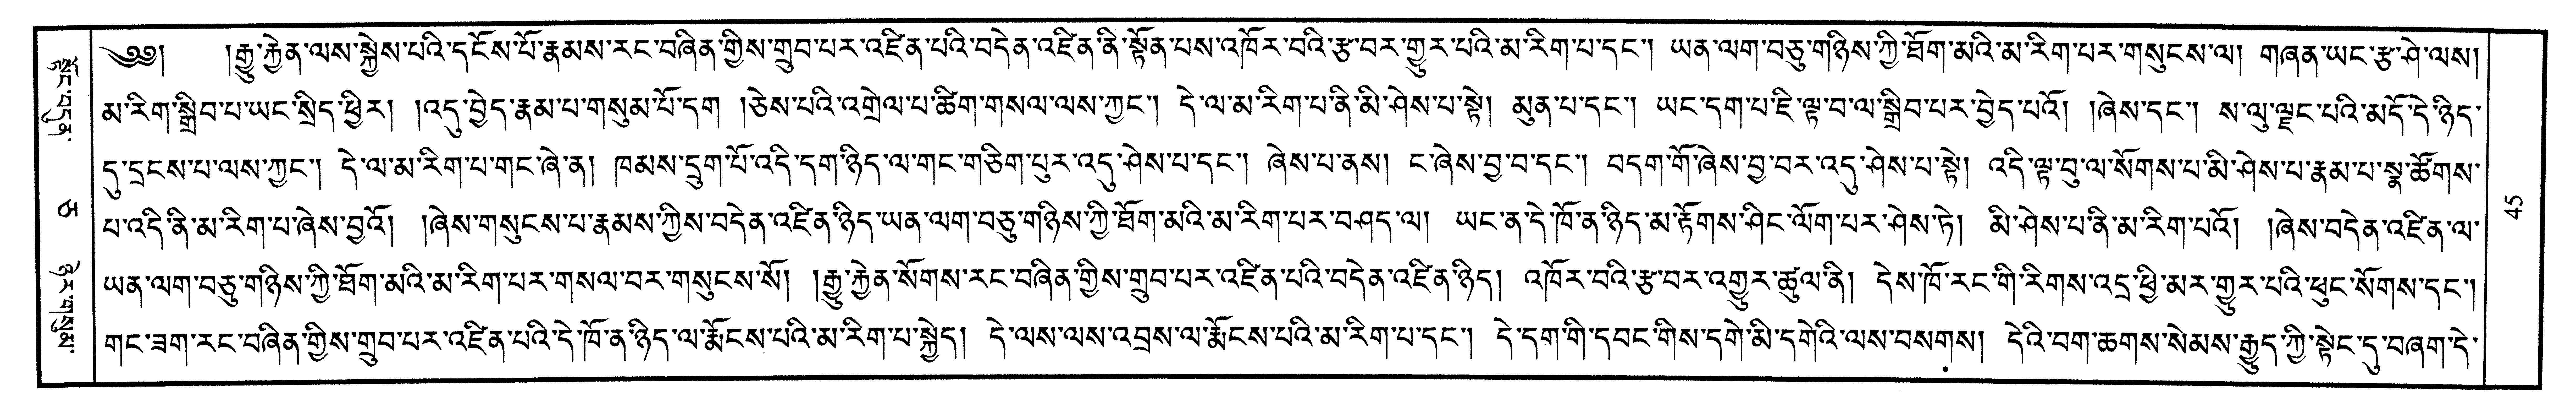༄༅། །རྒྱུ་རྐྱེན་ལས་སྐྱེས་པའི་དངོས་པོ་རྣམས་རང་བཞིན་གྱིས་གྲུབ་པར་འཛིན་པའི་བདེན་འཛིན་ནི་སྟོན་པས་འཁོར་བའི་རྩ་བར་གྱུར་པའི་མ་རིག་པ་དང་། ཡན་ལག་བཅུ་གཉིས་ཀྱི་ཐོག་མའི་མ་རིག་པར་གསུངས་ལ། གཞན་ཡང་རྩ་ཤེ་ལས།
མ་རིག་སྒྲིབ་པ་ཡང་སྲིད་ཕྱིར། །འདུ་བྱེད་རྣམ་པ་གསུམ་པོ་དག །ཅེས་པའི་འགྲེལ་པ་ཚིག་གསལ་ལས་ཀྱང་། དེ་ལ་མ་རིག་པ་ནི་མི་ཤེས་པ་སྟེ། མུན་པ་དང་། ཡང་དག་པ་ཇི་ལྟ་བ་ལ་སྒྲིབ་པར་བྱེད་པའོ། །ཞེས་དང་། ས་ལུ་ལྗང་པའི་མདོ་དེ་ཉིད་
དུ་དྲངས་པ་ལས་ཀྱང་། དེ་ལ་མ་རིག་པ་གང་ཞེ་ན། ཁམས་དྲུག་པོ་འདི་དག་ཉིད་ལ་གང་གཅིག་པུར་འདུ་ཤེས་པ་དང་། ཞེས་པ་ནས། ང་ཞེས་བྱ་བ་དང་། བདག་གོ་ཞེས་བྱ་བར་འདུ་ཤེས་པ་སྟེ། འདི་ལྟ་བུ་ལ་སོགས་པ་མི་ཤེས་པ་རྣམ་པ་སྣ་ཚོགས་
པ་འདི་ནི་མ་རིག་པ་ཞེས་བྱའོ། །ཞེས་གསུངས་པ་རྣམས་ཀྱིས་བདེན་འཛིན་ཉིད་ཡན་ལག་བཅུ་གཉིས་ཀྱི་ཐོག་མའི་མ་རིག་པར་བཤད་ལ། ཡང་ན་དེ་ཁོ་ན་ཉིད་མ་རྟོགས་ཤིང་ལོག་པར་ཤེས་ཏེ། མི་ཤེས་པ་ནི་མ་རིག་པའོ། །ཞེས་བདེན་འཛིན་ལ་
ཡན་ལག་བཅུ་གཉིས་ཀྱི་ཐོག་མའི་མ་རིག་པར་གསལ་བར་གསུངས་སོ། །རྒྱུ་རྐྱེན་སོགས་རང་བཞིན་གྱིས་གྲུབ་པར་འཛིན་པའི་བདེན་འཛིན་ཉིད། འཁོར་བའི་རྩ་བར་འགྱུར་ཚུལ་ནི། དེས་ཁོ་རང་གི་རིགས་འདྲ་ཕྱི་མར་གྱུར་པའི་ཕུང་སོགས་དང་།
གང་ཟག་རང་བཞིན་གྱིས་གྲུབ་པར་འཛིན་པའི་དེ་ཁོ་ན་ཉིད་ལ་རྨོངས་པའི་མ་རིག་པ་སྐྱེད། དེ་ལས་ལས་འབྲས་ལ་རྨོངས་པའི་མ་རིག་པ་དང་། དེ་དག་གི་དབང་གིས་དགེ་མི་དགེའི་ལས་བསགས། དེའི་བག་ཆགས་སེམས་རྒྱུད་ཀྱི་སྟེང་དུ་བཞག་དེ་